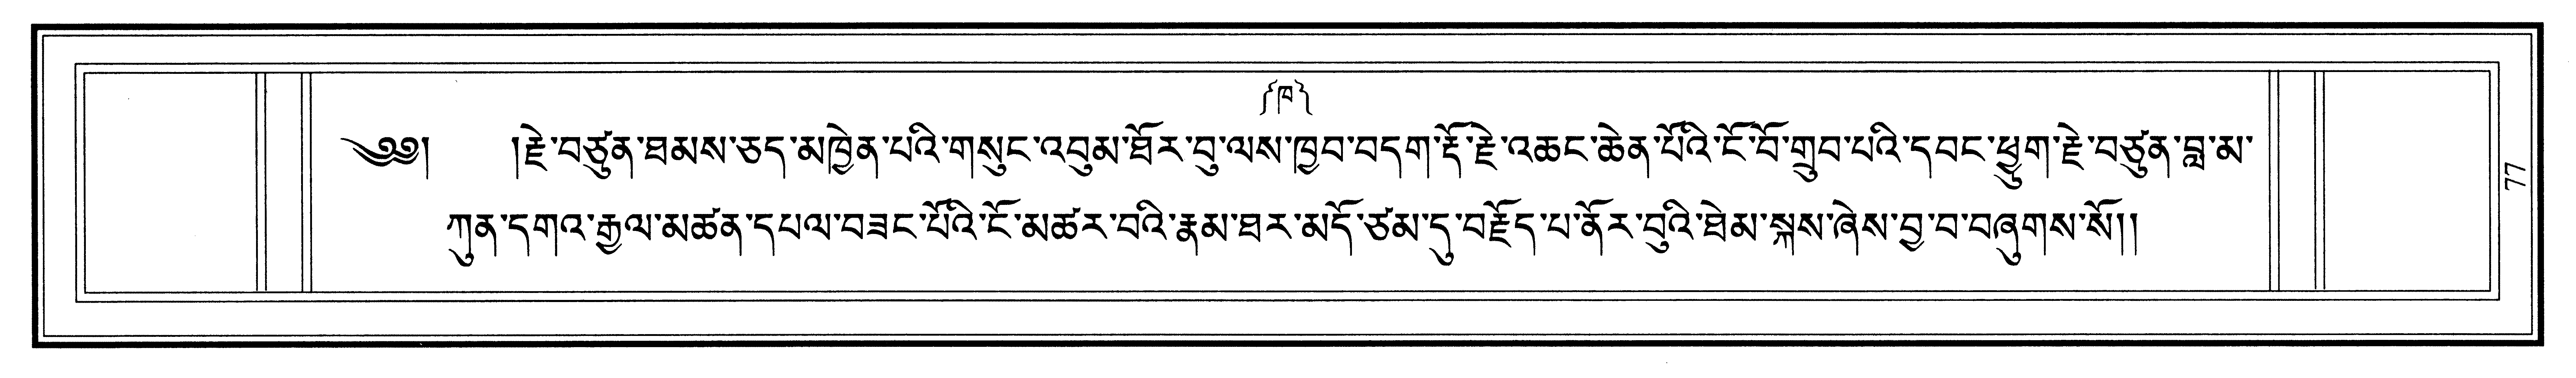༄༅། །རྗེ་བཙུན་ཐམས་ཅད་མཁྱེན་པའི་གསུང་འབུམ་ཐོར་བུ་ལས་ཁྱབ་བདག་རྡོ་རྗེ་འཆང་ཆེན་པོའི་ངོ་བོ་གྲུབ་པའི་དབང་ཕྱུག་རྗེ་བཙུན་བླ་མ་ཀུན་དགའ་རྒྱལ་མཚན་དཔལ་བཟང་པོའི་ངོ་མཚར་བའི་རྣམ་ཐར་མདོ་ཙམ་དུ་བརྗོད་པ་ནོར་བུའི་ཐེམ་སྐས་ཞེས་བྱ་བ་བཞུགས་སོ།།